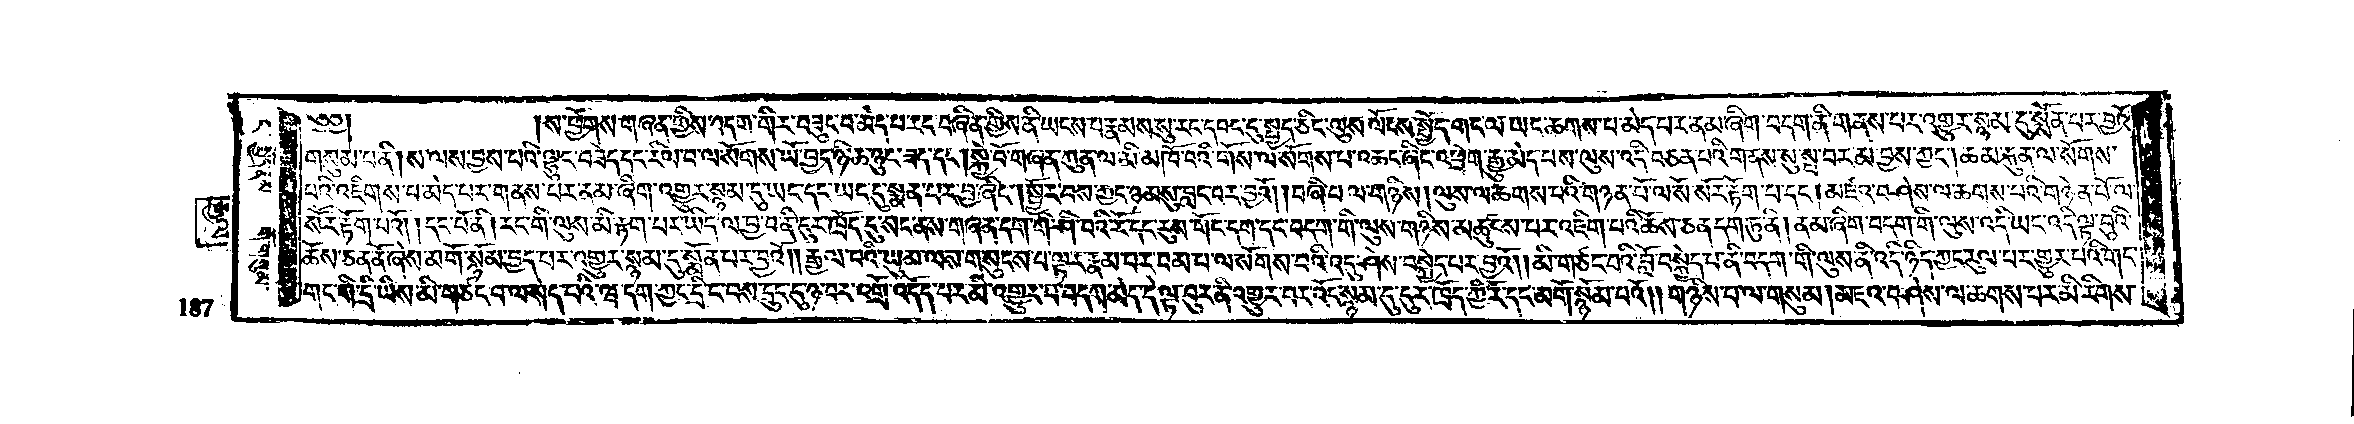༄༅། །ས་ཕྱོགས་གཞན་གྱིས་བདག་གིར་བཟུང་བ་མེད་པ་རང་བཞིན་གྱིས་ནི་ཡངས་པ་རྣམས་སུ་རང་དབང་དུ་སྤྱད་ཅིང་ལུས་ལོངས་སྤྱོད་གང་ལ་ཡང་ཆགས་པ་མེད་པར་ནམ་ཞིག་བདག་ནི་གནས་པར་འགྱུར་སྙམ་དུ་སྨོན་པར་བྱའོ། །
གསུམ་པ་ནི། ས་ལས་བྱས་པའི་ལྷུང་བཟེད་དང་རིལ་བ་ལ་སོགས་ཡོ་བྱད་ཉིད་ཆ་ཉུང་ཟད་དང་། སྐྱེ་བོ་གཞན་ཀུན་ལ་མི་མཁོ་བའི་གོས་ལ་སོགས་པ་འཆད་ཞིང་འཕྲེག་རྒྱུ་མེད་པས་ལུས་འདི་བཅན་པའི་གནས་སུ་སྦ་བར་བྱས་ཀྱང་། ཆམ་རྐུན་ལ་སོགས་
པའི་འཇིགས་པ་མེད་པར་གནས་པར་ནམ་ཞིག་འགྱུར་སྙམ་དུ་ཡང་དང་ཡང་དུ་སྨན་པར་བྱ་ཞིང་། སྦྱོར་བ་ཀྱང་ཉམས་སུ་བླང་བར་བྱའོ། །བཞི་པ་ལ་གཉིས། ལུས་ལ་ཆགས་པའི་གཉན་པོ་ལ་སོ་སོར་རྟོག་པ་དང་། མཛའ་བཤེས་ལ་ཆགས་པའི་གཉེན་པོ་ལ་
སོ་སོར་རྟོགས་པའོ། །དང་པོ་ནི། རང་གི་ལུས་མི་རྟག་པར་ཡིད་ལ་བྱ་བ་ནི་དུར་ཁྲོད་དུ་སང་ནས་གཞན་དག་གི་ཤི་བའི་རོ་དང་རུས་གོང་དག་དང་བདག་གི་ལུས་གཉིས་མཚུངས་པར་འཇིག་པའི་ཆོས་ཅན་དག་ཏུ་ནི། ནམ་ཞིག་བདག་གི་ལུས་འདི་ཡང་འདི་ལྟ་བུའི་
ཆོས་ཅན་ནོ་ཞེས་མགོ་སྙོམ་བྱད་པར་འགྱུར་སྙམ་དུ་སྨོན་པར་བྱའོ། །རྒྱལ་བའི་ཡུམ་ལས་གསུངས་པ་ལྟར་རྣམ་པར་བམ་པ་ལ་སོགས་པའི་འདུ་ཤེས་བསྐྱེད་པར་བྱའོ། །མི་གཙང་བའི་བློ་བསྐྱེད་པ་ནི་བདག་གི་ལུས་ནི་འདི་ཉིད་ཀྱང་རུལ་པར་གྱུར་པའི་གང་
གང་གི་དྲི་ཡིས་མི་གཙང་བ་ལ་སེད?་པའི་ཝ་དག་ཀྱང་དྲི་ང་བས་དྲུང་དུ་ཉ་བར་འགྲོ་འདོད་པར་མི་འགྱུར་བ་བདག་མེད་དེ་ལྟར་བུར་ནི་འགྱུར་བར་འོང་སྙམ་དུ་དུར་ཁྲོད་ཀྱི་རོ་དང་མགོ་སྙོམ་པའོ། །གཉིས་པ་ལ་གསུམ། མཛའ་བཤེས་ལ་ཆགས་པར་མི་རིགས་